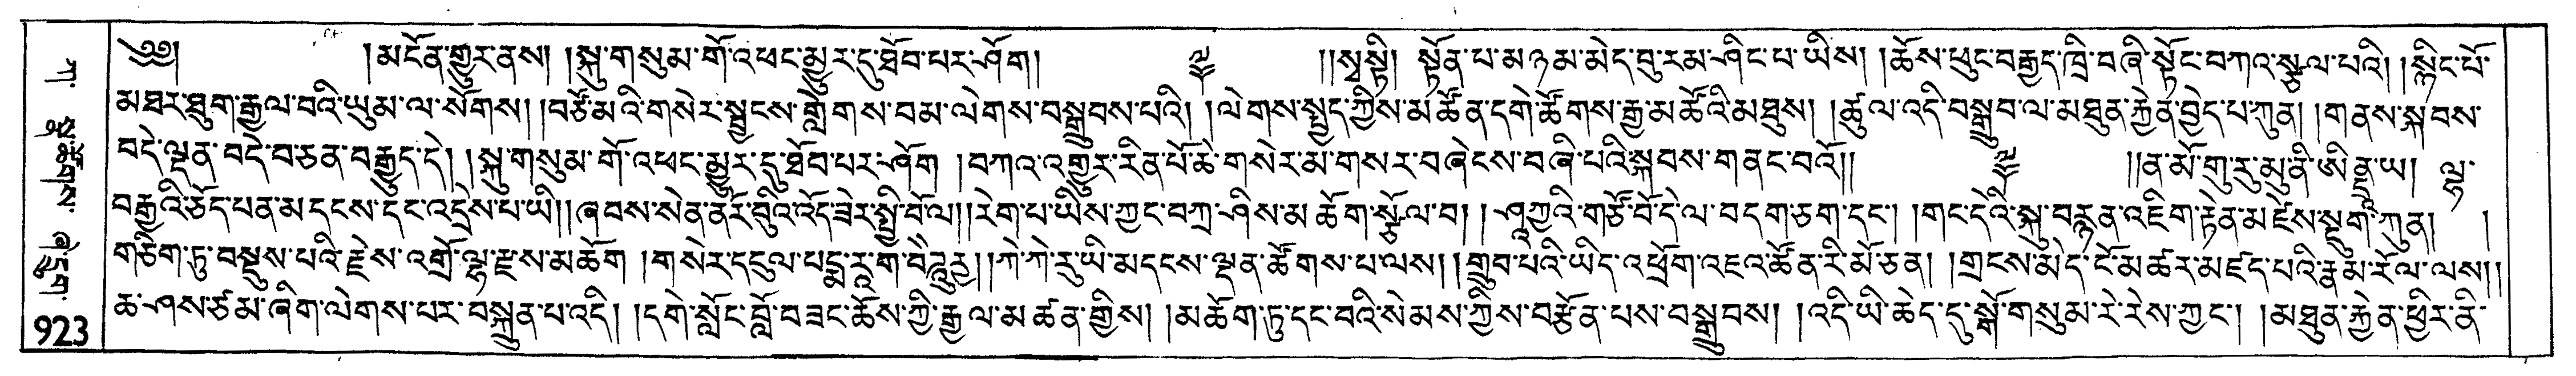༄༅། །མངོན་གྱུར་ནས། །སྐུ་གསུམ་གོ་འཕང་མྱུར་དུ་ཐོབ་པར་ཤོག །༈ །།སྭསྟི། སྟོན་པ་མཉམ་མེད་བུ་རམ་ཤིང་པ་ཡིས། །ཆོས་ཕུང་བརྒྱད་ཁྲི་བཞི་སྟོང་བཀའ་སྩལ་པའི། །སྙིང་པོ་
མཐར་ཐུག་རྒྱལ་བའི་ཡུམ་ལ་སོགས། །བཙོ་མའི་གསེར་སྦྱངས་གླེགས་བམ་ལེགས་བསྒྲུབས་པའི། །ལེགས་སྤྱད་ཀྱིས་མཚོན་དགེ་ཚོགས་རྒྱ་མཚོའི་མཐུས། །ཚུལ་འདི་བསྒྲུབ་ལ་མཐུན་རྐྱེན་བྱེད་པ་ཀུན། །གནས་སྐབས་
བདེ་ལྡན་བདེ་བ་ཅན་བརྒྱུད་དེ། །སྐུ་གསུམ་གོ་འཕང་མྱུར་དུ་ཐོབ་པར་ཤོག །བཀའ་འགྱུར་རིན་པོ་ཆེ་གསེར་མ་གསར་བཞེངས་བཞི་པའི་སྐབས་གནང་བའོ།། ༈ །།ན་མོ་གུ་རུ་མུ་ནི་ཨིནྡྲཱ་ཡ། ལྷ་
བརྒྱའི་ཅོད་པན་མདངས་དང་འདྲེས་པ་ཡི། །ཞབས་སེན་ནོར་བུའི་འོད་ཟེར་སྤྱི་བོ་ལ། །རེག་པ་ཡིས་ཀྱང་བཀྲ་ཤིས་མཆོག་སྩོལ་བ། །ཤཱཀྱའི་གཙོ་བོ་དེ་ལ་བདག་ཅག་དང་། །གང་དེའི་སྐུ་བརྙན་འཇིག་རྟེན་མཛེས་སྡུག་ཀུན། །
གཅིག་ཏུ་བསྡུས་པའི་རྗེས་འགྲོ་ལྷ་རྫས་མཆོག །གསེར་དངུལ་པདམ་རཱ་ག་བཻཌཱུརྱ། །ཀེ་ཀེ་རུ་ཡི་མདངས་ལྡན་ཚོགས་པ་ལས། །གྲུབ་པའི་ཡིད་འཕྲོག་འཇའ་ཚོན་རི་མོ་ཅན། །གྲངས་མེད་ངོ་མཚར་མཛད་པའི་རྣམ་རོལ་ལས། །
ཆ་ཤས་ཙམ་ཞིག་ལེགས་པར་བསྐྲུན་པ་འདི། །དགེ་སློང་བློ་བཟང་ཆོས་ཀྱི་རྒྱལ་མཚན་གྱིས། །མཆོག་ཏུ་དང་བའི་སེམས་ཀྱིས་བརྩོན་པས་བསྒྲུབས། །འདི་ཡི་ཆེད་དུ་སྒོ་གསུམ་རེ་རེས་ཀྱང་། །མཐུན་རྐྱེན་ཕྱིར་ནི་